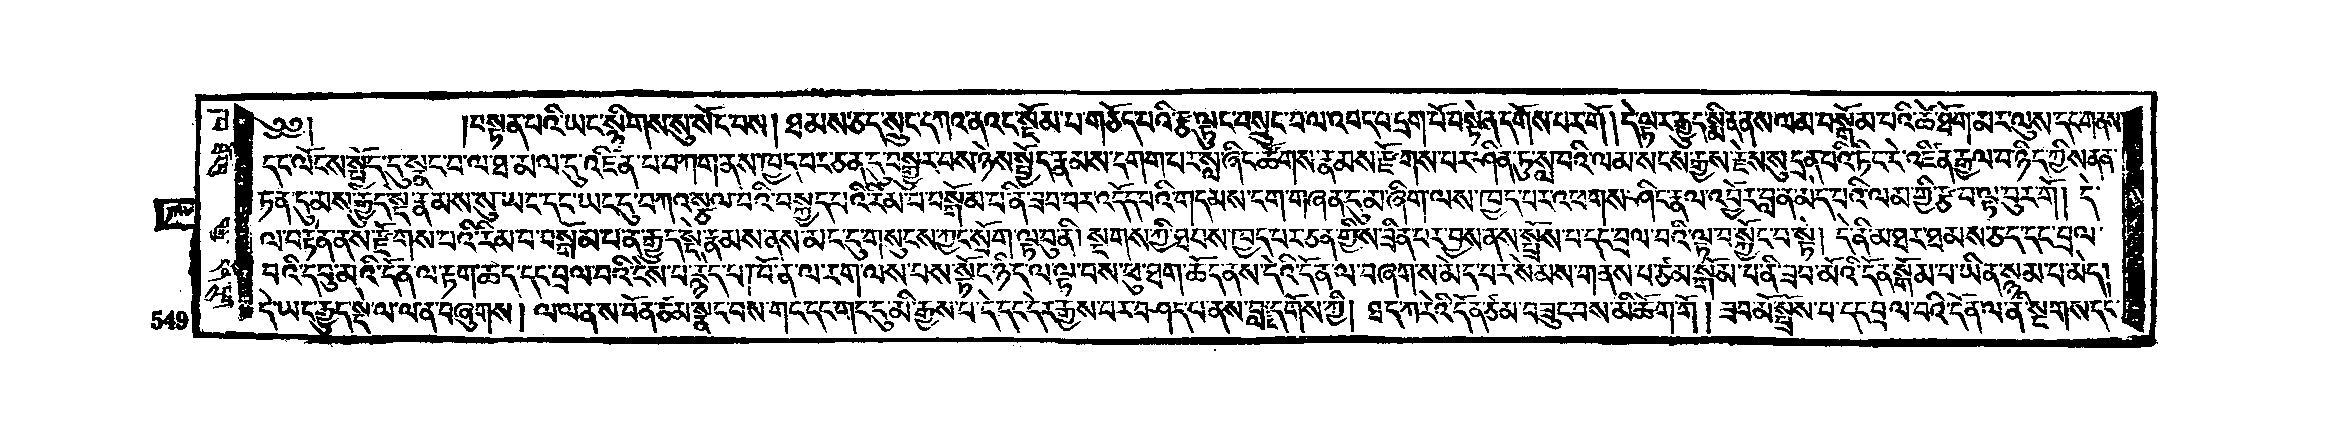༄༅། །བསྟན་པའི་ཡང་སྙིགས་སུ་སོང་བས། ཐབས་ཅད་སྲུང་དཀའ་ནའང་སྡོམ་པ་གཅོད་པའི་རྩ་ལྟུང་བསྲུང་བ་ལ་འབད་པ་དྲག་པོ་བསྟེན་དགོས་པར་གོ །དེ་ལྟར་རྒྱུད་སྨིན་ནས་ལམ་བསྒོམ་པའི་ཚེ་ཐོག་མར་ལུས་དང་གནས་
དང་ལོངས་སྤྱོད་སྤྱོད་དུ་སྣང་བ་ལ་ཐ་མ་ལ་དུ་འཛིན་པ་བཀག་ནས་ཁྱད་པར་ཅན་དུ་བསྒྱུར་བས་ཉེས་སྤྱོད་རྣམས་དགག་པར་སླ་ཞིང་ཚོགས་རྣམས་རྫོགས་པར་ཤིན་ཏུ་སླ་བའི་ལམ་སངས་རྒྱས་རྗེས་སུ་དྲན་པའི་ཏིང་ངེ་འཛིན་རྒྱལ་བ་ཉིད་ཀྱིས་ནན་
ཏན་དུ་མས་རྒྱུད་སྡེ་རྣམས་སུ་ཡང་དང་ཡང་དུ་བཀའ་སྩལ་བའི་བསྐྱེད་པའི་རིམ་པ་བསྒོམ་པ་ནི་ཟབ་བར་འདོད་པའི་གདམས་ངག་གཞན་དུ་མ་ཞིག་ལས་ཁྱད་པར་འཕགས་ཤིང་རྣལ་འབྱོར་བླ་ན་མེད་པའི་ལམ་གྱི་རྩ་བ་ལྟ་བུར་གོ །དེ་
ལ་བརྟེན་ནས་རྫོགས་པའི་རིམ་པ་བསྒོམ་པ་ན་རྒྱུད་སྡེ་རྣམས་ནས་མང་དུ་གསུངས་ཀྱང་སྲོག་ལྟ་བུ་ནི། སྔགས་ཀྱི་ཐབས་ཁྱད་པར་ཅན་གྱིས་ཟིན་པར་བྱས་ནས་སྤྲོས་པ་དང་བྲལ་བའི་ལྟ་བ་སྐྱོང་བ་སྟེ། དེ་ནི་མཐར་ཐམས་ཅད་དང་བྲལ་
བའི་དབུ་མའི་དོན་ལ་རྟག་ཆད་དང་བྲལ་བའི་ངེས་པ་རྙེད་པ་ཁོ་ན་ལ་རག་ལས་པས་སྟོང་པ་ཉིད་ལ་ལྟ་བས་ཕུ་ཐག་ཆོད་ནས་དེའི་དོན་ལ་བཞག་ས་མེད་པར་སེམས་གནས་པ་ཙམ་སྒོམ་པ་ནི་ཟབ་མོའི་དོན་སྒོམ་པ་ཡིན་སྙམ་པ་མེད།
དེ་ཡང་རྒྱུད་སྡེ་ལ་ལ་ན་བཞུགས། ལ་ལ་ན་ས་བོན་ཙམ་སྣང་བས་གང་དང་གང་དུ་མི་རྒྱས་པ་དེ་དང་དེར་རྒྱས་པར་བཤད་པ་ནས་བླང་དགོས་ཀྱི། ཐད་ཀ་རེའི་དོན་ཙམ་བཟུང་བས་མི་ཆོག་གོ །ཟབ་མོ་སྤྲོས་པ་དང་བྲལ་བའི་དོན་ལ་ནི་སྔགས་དང་།